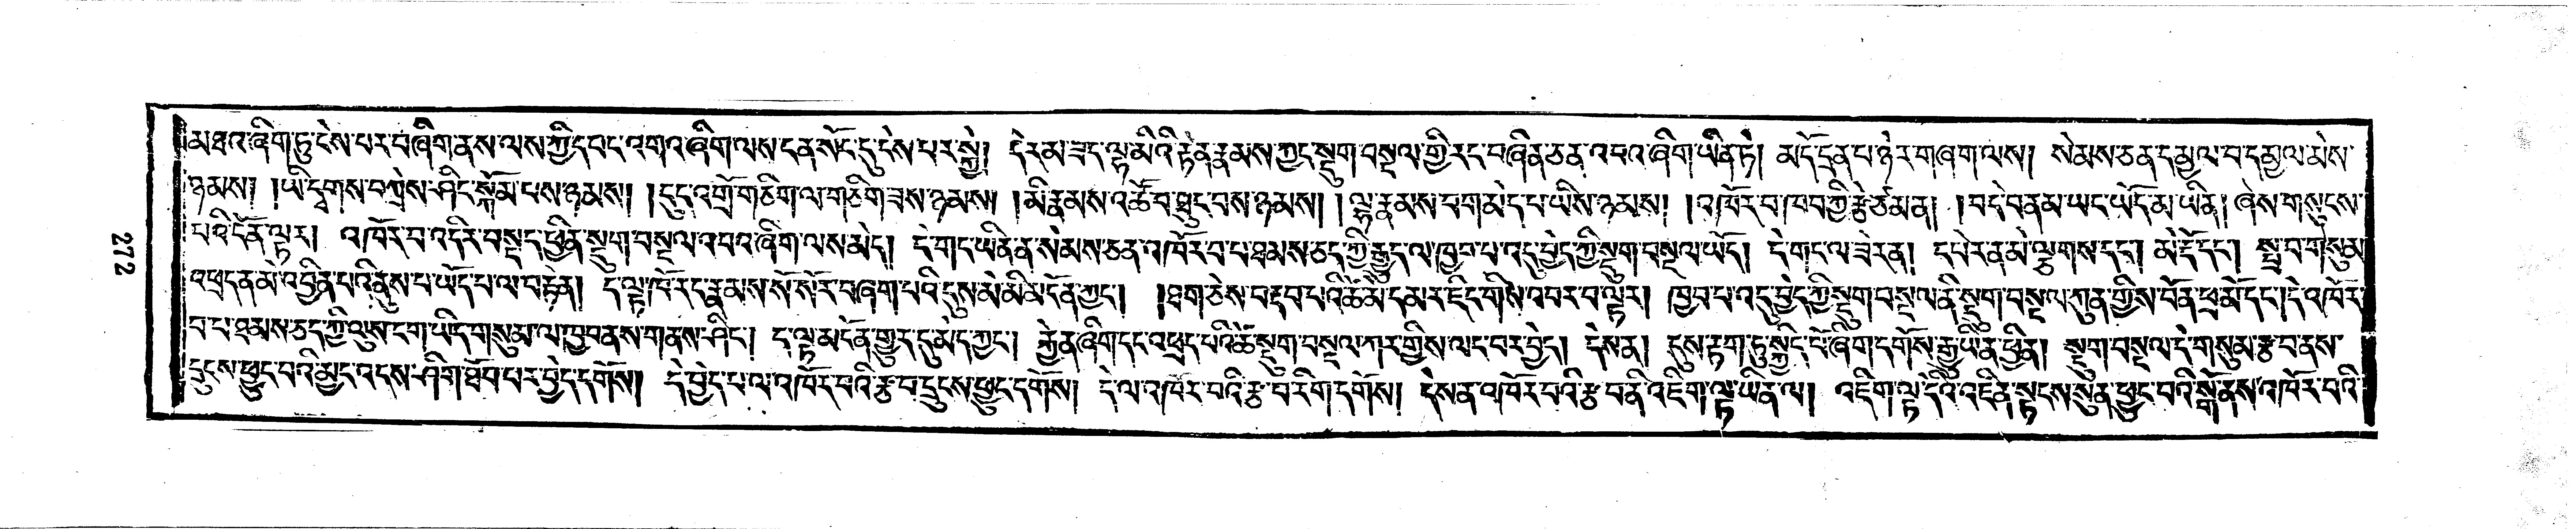མཐའ་ཞིག་ཏུ་ངེས་པར་ཞིག་ནས་ལས་ཀྱི་དབང་འགའ་ཞིག་ལས་ངན་སོང་དུ་ངེས་པར་སྐྱེ། དེར་མ་ཟད་ལྷ་མིའི་རྟེན་རྣམས་ཀྱང་སྡུག་བསྔལ་གྱི་རང་བཞིན་ཅན་འབའ་ཞིག་ཡིན་ཏེ། མདོ་དྲན་པ་ཉེར་གཞག་ལས། སེམས་ཅན་དམྱལ་བ་དམྱལ་མེས་
ཉམས། །ཡི་དྭགས་བཀྲེས་ཤིང་སྐོམ་པས་ཉམས། །དུད་འགྲོ་གཅིག་ལ་གཅིག་ཟས་ཉམས། །མི་རྣམས་འཚོ་བ་ཐུང་བས་ཉམས། །ལྷ་རྣམས་བག་མེད་པ་ཡིས་ཉམས། །འཁོར་བ་ཁབ་ཀྱི་རྩེ་ཙམ་ན། །བདེ་བ་ནམ་ཡང་ཡོད་མ་ཡིན། ཞེས་གསུངས་
བའི་དོན་ལྟར། འཁོར་བ་འདིར་བསྡད་ཕྱིན་སྡུག་བསྔལ་འབའ་ཞིང་ལས་མེད། དེ་གང་ཡིན་ན་སེམས་ཅན་འཁོར་བ་པ་ཐམས་ཅད་ཀྱི་རྒྱུད་ལ་ཁྱབ་པ་འདུ་བྱེད་ཀྱི་སྡུག་བསྔལ་ཡོད། དེ་གང་ལ་ཟེར་ན། དཔེར་ན་མེ་ལྕགས་དང་། མེ་རྡོ་དང་། སྤྲ་བ་གསུམ་
འཕྲད་ན་མེ་འབྱིན་པའི་ནུས་པ་ཡོད་པ་ལ་བརྟེན། ད་ལྟ་ཁོ་རང་རྣམས་སོ་སོར་བཞག་པའི་དུས་མེ་མི་མངོན་ཀྱང་། །ཐག་ཅེས་བརྡབ་པའི་ཚེ་མེ་དམར་ཇིང་གིས་འབར་བ་ལྟར། ཁྱབ་པ་འདུ་བྱེད་ཀྱི་སྡུག་བསྔལ་ནི་སྡུག་བསྔལ་ཀུན་གྱིས་བོན་ཕྲ་མོ་དང་། དེ་འཁོར་
བ་པ་ཐམས་ཅད་ཀྱི་ལུས་ངག་ཡིད་གསུམ་ལ་ཁྱབ་ནས་གནས་ཤིང་། ད་ལྟ་མངོན་གྱུར་དུ་མེད་ཀྱང་། རྐྱེན་ཞིང་དང་འཕྲད་པའི་ཚེ་སྡུག་བསྔལ་ཀར་གྱིས་ལང་བར་བྱེད། དེས་ན། དུས་རྟག་ཏུ་སྐྱིད་པོ་ཞིག་དགོས་རྒྱུ་ཡིན་ཕྱིན། སྡུག་བསྔལ་དེ་གསུམ་རྩ་བ་ནས་
དྲུངས་ཕྱུང་བའི་མྱང་འདས་ཤིག་ཐོབ་པར་བྱེད་དགོས། དེ་བྱེད་པ་ལ་འཁོར་བའི་རྩ་བ་དྲུངས་ཕྱུང་དགོས། དེ་ལ་འཁོར་བའི་རྩེ་བ་རིག་དགོས། དེས་ན་འཁོར་བའི་རྩ་བ་ནི་འཇིག་ལྟ་ཡིན་ལ། འཇིག་ལྟ་དེའི་འཛིན་སྟངས་སུན་ཕྱུང་བའི་སྒོ་ནས་འཁོར་བའི་